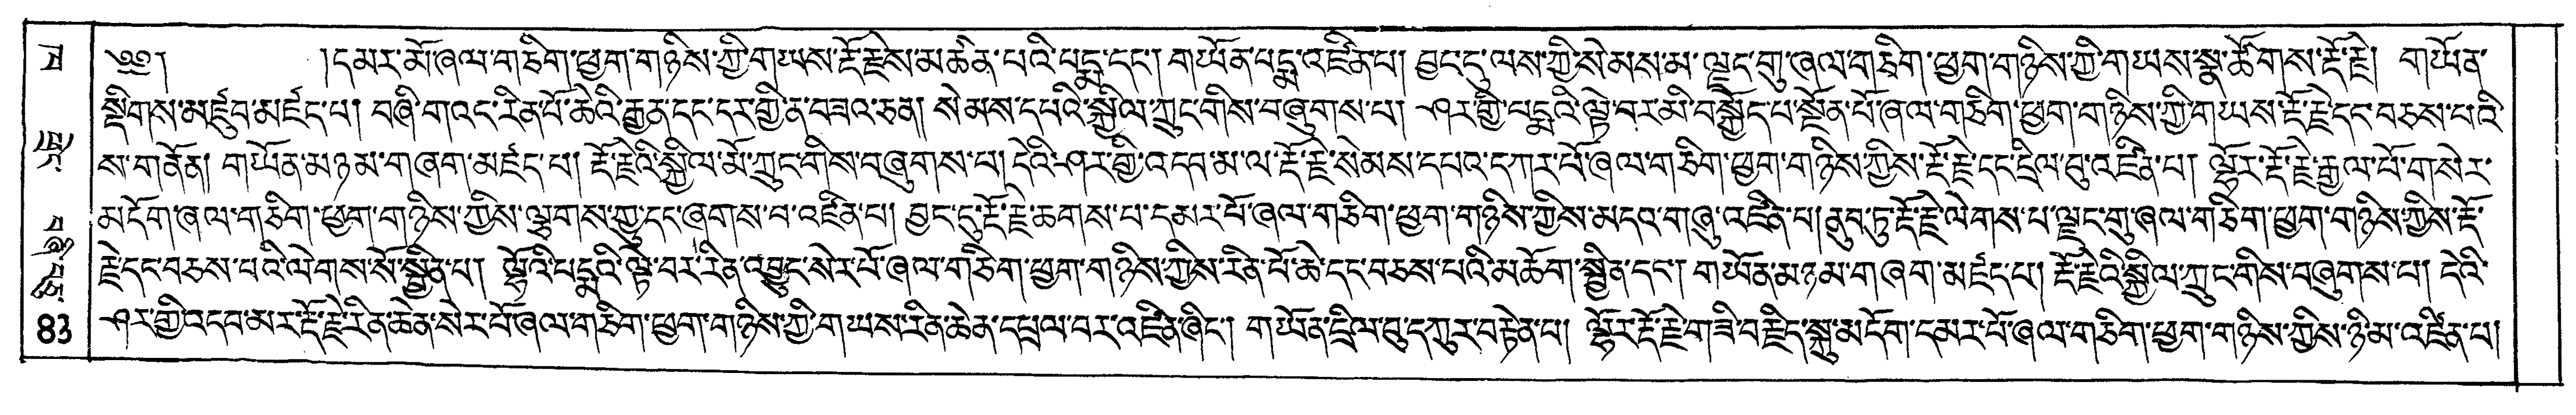༄༅། །དམར་མོ་ཞལ་གཅིག་ཕྱག་གཉིས་ཀྱི་གཡས་རྡོ་རྗེས་མཚན་པའི་པདམ་དང་། གཡོན་པདམ་འཛིན་པ། བྱང་དུ་ལས་ཀྱི་སེམས་མ་ལྗང་གུ་ཞལ་གཅིག་ཕྱག་གཉིས་ཀྱི་གཡས་སྣ་ཚོགས་རྡོ་རྗེ། གཡོན་
སྡིགས་མཛུབ་མཛད་པ། བཞི་གའང་རིན་པོ་ཆེའི་རྒྱན་དང་དར་གྱི་ན་བཟའ་ཅན། སེམས་དཔའི་སྐྱིལ་ཀྲུང་གིས་བཞུགས་པ། ཤར་གྱི་པདམའི་ལྟེ་བར་མི་བསྐྱོད་པ་སྔོན་པོ་ཞལ་གཅིག་ཕྱག་གཉིས་ཀྱི་གཡས་རྡོ་རྗེ་དང་བཅས་པའི་
ས་གནོན། གཡོན་མཉམ་གཞག་མཛད་པ། རྡོ་རྗེའི་སྐྱིལ་མོ་ཀྲུང་གིས་བཞུགས་པ། དེའི་ཤར་གྱི་འདབ་མ་ལ་རྡོ་རྗེ་སེམས་དཔའ་དཀར་པོ་ཞལ་གཅིག་ཕྱག་གཉིས་ཀྱིས་རྡོ་རྗེ་དང་དྲིལ་བུ་འཛིན་པ། ལྷོར་རྡོ་རྗེ་རྒྱལ་པོ་གསེར་
མདོག་ཞལ་གཅིག་ཕྱག་གཉིས་ཀྱིས་ལྕགས་ཀྱུ་དང་ཞགས་པ་འཛིན་པ། བྱང་དུ་རྡོ་རྗེ་ཆགས་པ་དམར་པོ་ཞལ་གཅིག་ཕྱག་གཉིས་ཀྱིས་མདའ་གཞུ་འཛིན་པ། ནུབ་ཏུ་རྡོ་རྗེ་ལེགས་པ་ལྗང་གུ་ཞལ་གཅིག་ཕྱག་གཉིས་ཀྱིས་རྡོ་
རྗེ་དང་བཅས་པའི་ལེགས་སོ་སྦྱིན་པ། ལྷོའི་པདམའི་ལྟེ་བར་རིན་འབྱུང་སེར་པོ་ཞལ་གཅིག་ཕྱག་གཉིས་ཀྱིས་རིན་པོ་ཆེ་དང་བཅས་པའི་མཆོག་སྦྱིན་དང་། གཡོན་མཉམ་གཞག་མཛད་པ། རྡོ་རྗེའི་སྐྱིལ་ཀྲུང་གིས་བཞུགས་པ། དེའི་
ཤར་གྱི་འདབ་མར་རྡོ་རྗེ་རིན་ཆེན་སེར་པོ་ཞལ་གཅིག་ཕྱག་གཉིས་ཀྱི་གཡས་རིན་ཆེན་དཔྲལ་བར་འཛིན་ཞིང་། གཡོན་དྲིལ་བུ་དཀུར་བརྟེན་པ། ལྷོར་རྡོ་རྗེ་གཟི་བརྗིད་སྐུ་མདོག་དམར་པོ་ཞལ་གཅིག་ཕྱག་གཉིས་ཀྱིས་ཉི་མ་འཛིན་པ།